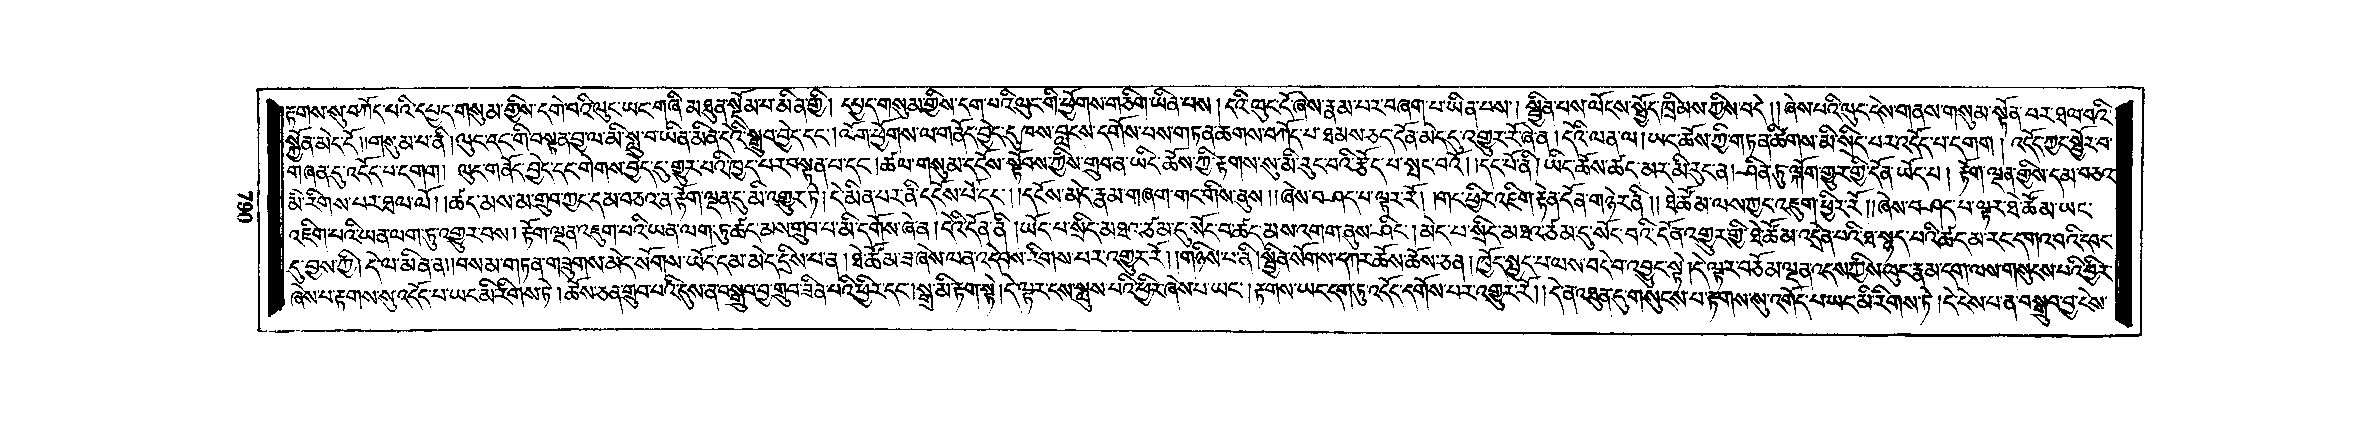རྟགས་སུ་བཀོད་པའི་དཔྱད་གསུམ་གྱིས་དགེ་བའི་ལུང་ཡང་གཞི་མཐུན་སྡོམ་པ་མིན་གྱི། དཔྱད་གསུམ་གྱིས་དག་པའི་ལུང་གི་ཕྱོགས་གཅིག་ཡིན་པས། དའི་ལུང་ངོ་ཞེས་རྣམ་པར་བཞག་པ་ཡིན་པས། སྦྱིན་པས་ལོངས་སྤྱོད་ཁྲིམས་ཀྱིས་བདེ། །ཞེས་པའི་ལུང་དེས་གནས་གསུམ་སྟོན་པར་ཐལ་བའི་
སྐྱོན་མེད་དོ། །གསུམ་པ་ནི། ལུང་རང་གི་བསྟན་བྱ་ལ་མི་སླུ་བ་ཡིན་མིན་དེའི་སྒྲུབ་བྱེད་དང་། ལོག་ཕྱོགས་ལ་གནོད་བྱེད་དུ་ཁས་བླངས་དགོས་པས་གཏན་ཆགས་བཀོད་པ་ཐམས་ཅད་དོན་མེད་དུ་འགྱུར་རོ་ཞེ་ན། དེའི་ལན་ལ། ཡང་ཆོས་ཀྱི་གཏན་ཚིགས་མི་སྲིད་པར་འདོད་པ་དགག །འདོད་ཀྱང་སྦྱོར་བ་
གཞན་དུ་འདོད་པ་དགག །ལུང་གནོད་བྱེད་དང་གེགས་བྱེད་དུ་གྱུར་པའི་ཁྱད་པར་བསྟན་པ་དང་། ཚུལ་གསུམ་དངོས་སྟོབས་ཀྱིས་གྲུབ་ན་ཡིད་ཆོས་ཀྱི་རྟགས་སུ་མི་རུང་བའི་རྩོད་པ་སྤངས་པོ། །དང་པོ་ནི། ཡིད་ཆོས་ཚད་མར་མི་རུང་ན། ཤིན་ཏུ་ལྐོག་གྱུར་གྱི་དོན་ཡོད་པ། རྟོག་ལྡན་གྱིས་དམ་བཅའ་
མི་རིགས་པར་ཐལ་ལོ། །ཚད་མས་མ་གྲུབ་ཀྱང་དམ་བཅའ་ན་རྟོག་ལྡན་དུ་མི་འགྱུར་ཏེ། དེ་མིན་པར་ནི་དངོས་པོ་དང་། །དངོས་མེད་རྣམ་གཞག་གང་གིས་ནུས། །ཞེས་བཤད་པ་ལྟར་རོ། །གང་ཕྱིར་འཇིག་རྟེན་དོན་གཉེར་ནི། །ཐེ་ཚོམ་ལས་ཀྱང་འཇུག་ཕྱིར་རོ། །ཞེས་བཤད་པ་ལྟར་ཐེ་ཚོམ་ཡང་
འཇིག་པའི་ཡན་ལག་ཏུ་འགྱུར་བས། རྟོག་ལྡན་འཇུག་པའི་ཡན་ལག་ཏུ་ཚད་མས་གྲུབ་པ་མི་དགོས་ཞེ་ན། དེའི་དོན་ནི། ཡོད་པ་སྲིད་མཐའ་ཙམ་དུ་སོང་བ་ཚད་མས་འགག་ནུས་ཤིང་། མེད་པ་སྲིད་མཐའ་ཙམ་དུ་སོང་བའི་དོན་འགྱུར་གྱི་ཐེ་ཚོམ་འདྲེན་པའི་ཐ་སྙད་པའི་ཚད་མ་རང་དགའ་བའི་དབང་
དུ་བྱས་ཀྱི། དེ་ལ་མིན་ན། །བསམ་གཏན་གཟུགས་མེད་སོགས་ཡོད་དམ་མེད་དྲིས་པ་ན། ཐེ་ཚོམ་ཟ་ཞེས་ལན་འདེབས་རིགས་པར་འགྱུར་རོ། །གཉིས་པ་ནི། སྦྱིན་སོགས་དཀར་ཆོས་ཆོས་ཅན། ཁྱོད་སྤྱད་པ་ལས་བདེ་བ་འབྱུང་སྟེ། དེ་ལྟར་བཅོམ་ལྡན་འདས་ཀྱིས་ལུང་རྣམ་དག་ལས་གསུངས་པའི་ཕྱིར་
ཞེས་པ་རྟགས་སུ་འདོད་པ་ཡང་མི་རིགས་ཏེ། ཆོས་ཅན་གྲུབ་པའི་དུས་ན་བསྒྲུབ་བྱ་གྲུབ་ཟིན་པའི་ཕྱིར་དང་། སྒྲ་མི་རྟག་སྟེ། དེ་ལྟར་ངས་སླུས་པའི་ཕྱིར་ཞེས་པ་ཡང་། རྟགས་ཡང་དག་ཏུ་འདོད་དགོས་པར་འགྱུར་རོ། །དེ་ན་འཐུན་དུ་གསུངས་པ་རྟགས་སུ་འགོད་པ་ཡང་མི་རིགས་ཏེ། དེ་ངེས་པ་ན་བསྒྲུབ་བྱ་ངེས་